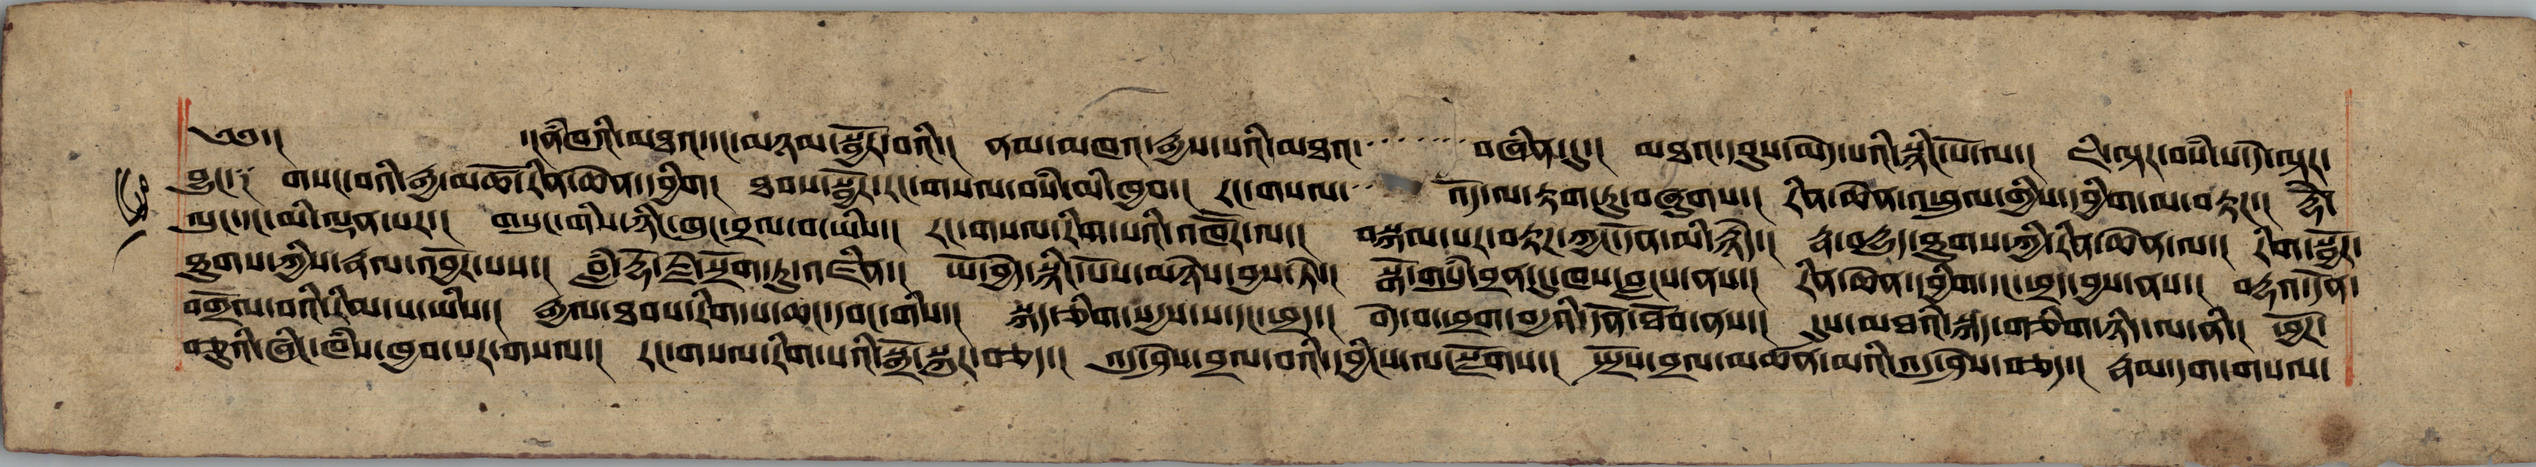༄༅་། ་།ནཾཁའི་མཐའ་དང་མཉམ་སྦྱོར་བའི་། ནམ་མཁའ་རྒྱས་པའི་མཐའ་ བཞིན་དུ་། མཐའ་དབུས་མེད་པའི་སྙིང་པོ་ལ་། ཇི་ལྟར་བསཾ་པ་དེ་ལྟར་
བྱུང་༑ གསང་བའི་རྒྱ་མཚོ་རིན་ཆེན་དབྱིག། ཐབས་སྦྱོར་རང་གསལ་བསཾ་མི་ཁྱབ་། རང་གསལ་ འོད་ལ་རྟག་ཏུ་བཞུགས་། རིན་ཆེན་འཕྲུལ་གྱིས་དབྱིག་མ་བརྟཌ་། རྡོེ་
ལུང་དང་མི་ལྡན་པར་། གསུང་གི་ཉིང་ཁུང་བྲལ་བ་ཡིས་། རང་གསལ་རིག་པའི་འཁཽར་ལ་། བསྐལ་པར་བརྟཌ་ཀྱང་དོན་མི་རྙེད་། རྣ་བདྱུད་ཐུགས་ཀྱི་རིན་ཆེན་ལ་། རིག་སྦྱོར་
ཐུགས་ཀྱིས་རྣལ་འབྱོར་པས་། བླཾ་རྡོ་རྗེ་སྲོག་ཏུ་འཛིན་། ཡོ་བྱད་སྙིང་པོས་མཉེས་བྱས་ཏེ་། སྒོ་གསུམ་བྲན་དུ་ཁས་བླངས་ནས་། རིན་ཆེན་དབྱིག་དང་ཕྲད་བྱས་ནས་། བརྡའ་དོན་
བགྲོལ་བའི་རིམ་པ་ཡིས་། རྒྱལ་ཐབས་རིག་པ་ཆང་དབང་གིས་། སྐད་ཅིག་སདྱས་ས་དང་ཕྲད་། བདེ་བ་ཕྲག་བདྱའི་དོན་ཐོབ་ནས་། དུས་མཐའི་སྐད་གཅིག་ཉིད་ལ་ནི་། ཕྱོཌ་
བཅུའི་ཞིང་ཁཾས་ཁྱབ་པར་གསལ་། རང་གསལ་རིག་པའི་སྒྲོ་སྐུར་བཅད་། འདུ་ཤེས་བྲལ་བའི་དབྱིངས་ལ་སྫོགས་། སྤྲོས་བྲལ་མཚན་མའི་འདུ་ཤེས་བཅད་། རྣམ་དག་གསལ་